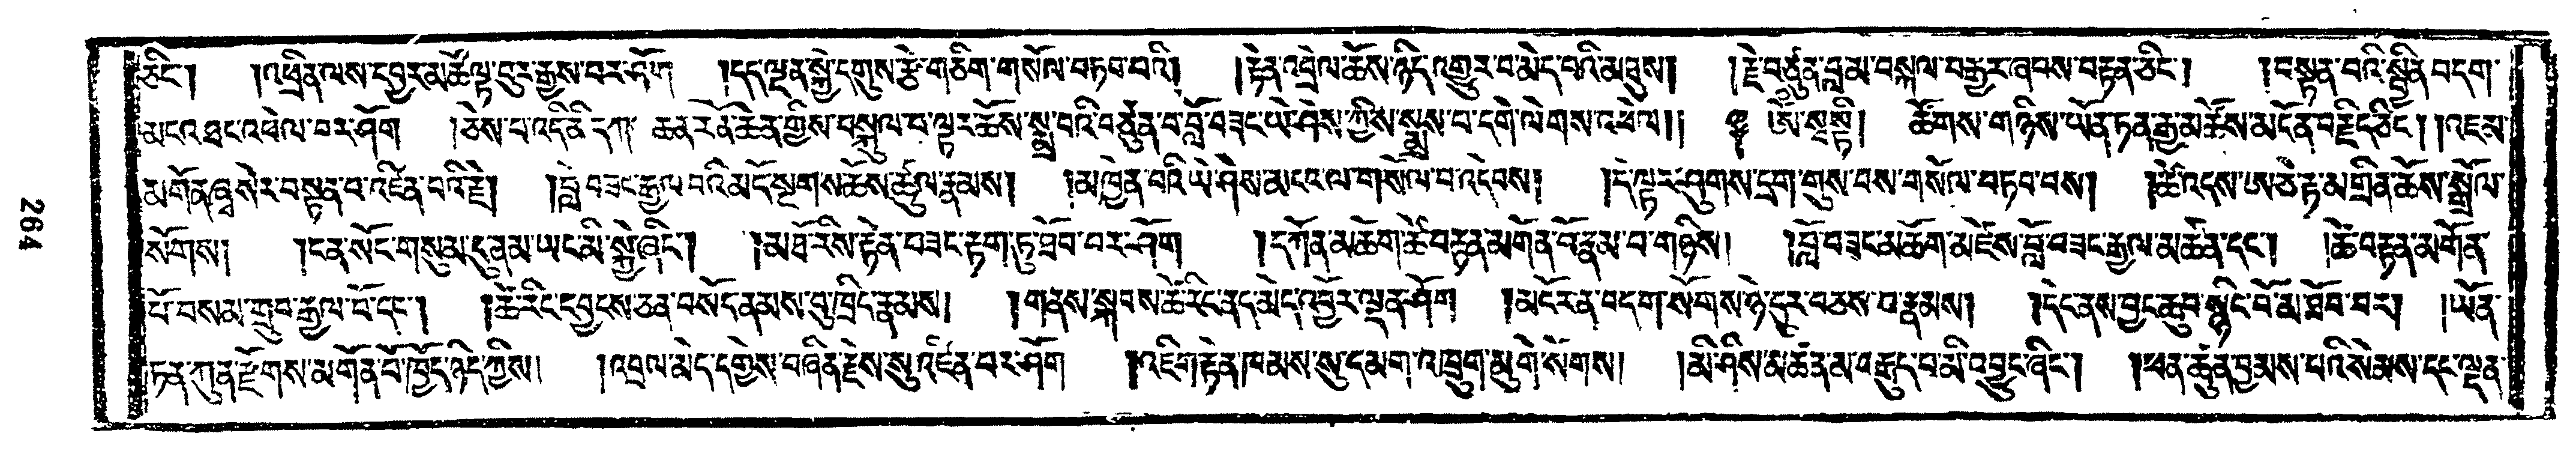ཅིང་། །འཕྲིན་ལས་དབྱར་མཚོ་ལྟ་བུར་རྒྱས་བར་ཤོག །དད་ལྡན་སྐྱེ་དགུས་རྩེ་གཅིག་གསོལ་བཏབ་པའི། །རྟེན་འབྲེལ་ཆོས་ཉིད་འགྱུར་བ་མེད་པའི་མཐུས། །རྗེ་བཙུན་བླ་མ་བསྐལ་བརྒྱར་ཞབས་བརྟན་ཅིང་། །བསྟན་པའི་སྦྱིན་བདག་
མངའ་ཐང་འཕེལ་བར་ཤོག །ཅེས་པ་འདི་ནི་དཀར?་ཆན་རིན?་ཆེན་གྱིས་བསྐུལ་བ་ལྟར་ཆོས་སྨྲ་བའི་བཙུན་བ་བློ་བཟང་ཡེ་ཤེས་ཀྱི་ས་སྨྲས་པ་དགེ་ལེགས་འཕེལ།། ༈ ཨོཾ་སྭསྟི། ཚོགས་གཉིས་ཡོན་ཏན་རྒྱ་མཚོས་མངོན་བརྗིད་ཅིང་། །འཇམ་
མགོན་ཞྭ་སེར་བསྟན་པ་འཛིན་པའི་རྗེ། །བློ་བཟང་རྒྱལ་བའི་མདོ་སྔགས་ཆོས་ཚུལ་རྣམས། །མཁྱེན་པའི་ཡེ་ཤེས་མངའ་ལ་གསོལ་བ་འདེབས། །དེ་ལྟར་ཤུགས་དྲག་གུས་པས་གསོལ་བཏབ་པས། །ཚེ་འདས་ཨ་ཅེ་རྟ་མགྲིན་ཆོས་སྒྲོལ་
སོགས། །ངན་སོང་གསུམ་དུ་ནམ་ཡང་མི་སྐྱེ་ཞིང་། །མཐོ་རིས་རྟེན་བཟང་རྟག་ཏུ་ཐོབ་པར་ཤོག །དཀོན་མཆོག་ཚེ་བརྟན་མགོན་པོ་རྣམ་པ་གཉིས། །བློ་བཟང་མཆོག་མཛེས་བློ་བཟང་རྒྱལ་མཚན་དང་། །ཚེ་བརྟན་མགོན་
པོ་བསམ་གྲུབ་རྒྱལ་བོ་དང་། །ཚེ་རིང་དབྱངས་ཅན་བསོད་ནམས་བུ་ཁྲིད་རྣམས། །གནས་སྐབས་ཚེ་རིང་ནད་མེད་འབྱོར་ལྡན་ཤོག །མདོར་ན་བདག་སོགས་ཉེ་དུར་བཅས་པ་རྣམས། །དེང་ནས་བྱང་ཆུབ་སྙིང་པོ་མ་ཐོབ་བར། །ཡོན་
ཏན་ཀུན་རྫོགས་མགོན་པོ་ཁྱོད་ཉིད་ཀྱིས། །འབྲལ་མེད་དགྱེས་བཞིན་རྗེས་སུ་འཛིན་པར་ཤོག །འཇིག་རྟེན་ཁམས་སུ་དམག་འཁྲུག་མུ་གེ་སོགས། །མི་ཤིས་མཚན་མ་བརྒུད་པ་མི་འབྱུང་ཞིང་། །ཕན་ཚུན་བྱམས་པའི་སེམས་དང་ལྡན་